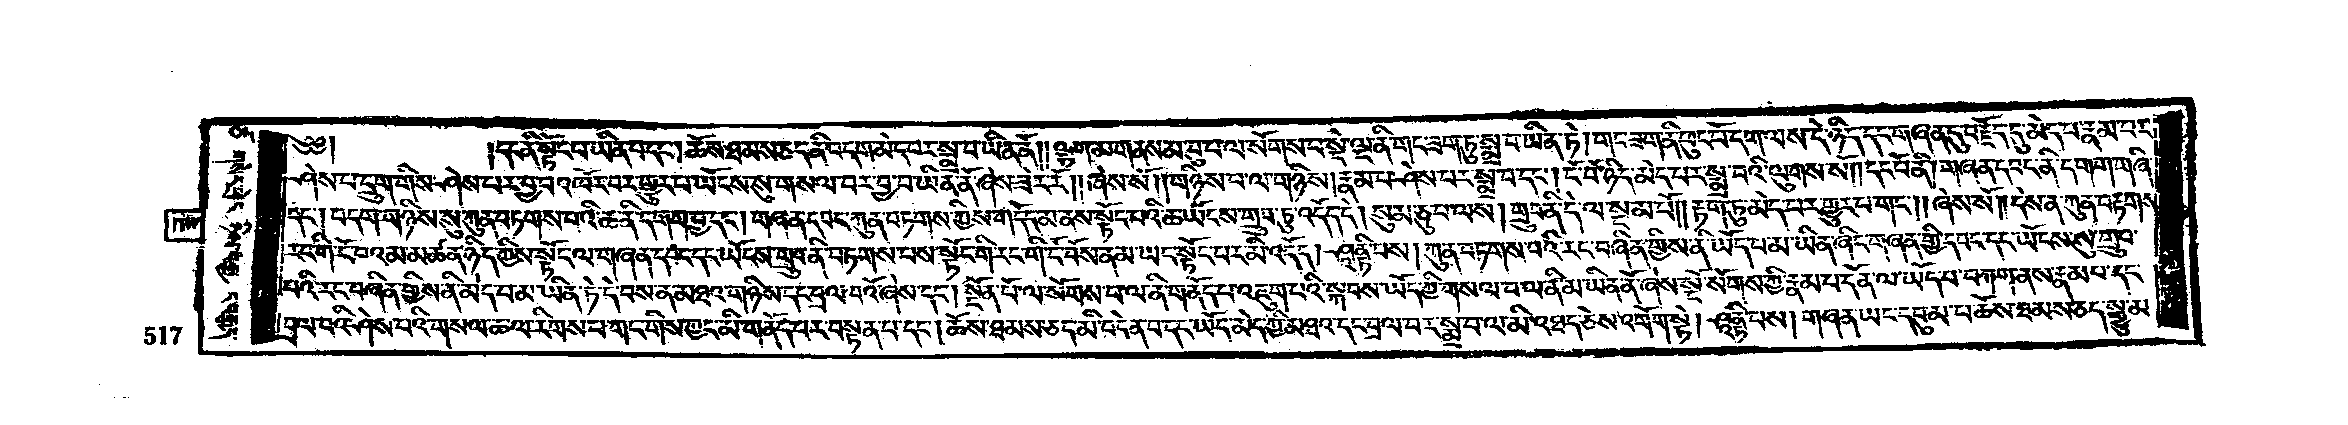༄༅། །དང་ནི་སྟོང་པ་ཡིན་པ་དང་། ཆོས་ཐམས་ཅད་ནི་བདག་མེད་པར་སྨྲ་བ་ཡིན་ནོ། །ལྷག་མ་གནས་མ་བུ་པ་ལ་སོགས་པ་སྡེ་ལྔ་ནི་གང་ཟག་ཏུ་སྨྲ་བ་ཡིན་ཏེ། གང་ཟག་ནི་ཕུང་པོ་དག་ལས་དེ་ཉིད་དང་གཞན་དུ་བརྗོད་དུ་མེད་པ་རྣམ་པར་
ཤེས་པ་དྲུག་གིས་ཤེས་པར་བྱ་བ་འཁོར་བར་གྱུར་པ་ཡོངས་སུ་གསལ་བར་བྱ་བ་ཡིན་ནོ་ཞེས་ཟེར་རོ། །ཞེས་སོ། །གཉིས་པ་ལ་གཉིས། རྣམ་པ་ཤེས་པར་སྨྲ་བ་དང་། ངོ་བོ་ཉིད་མེད་པར་སྨྲ་བའི་ལུགས་སོ། །དང་པོ་ནི། གཞན་དབང་ནི་དགག་གཞི་
དང་། བདག་གཉིས་སུ་ཀུན་བཏགས་པའི་ཆ་ནི་དགག་བྱ་དང་། གཞན་དབང་ཀུན་བཏགས་ཀྱིས་གདོད་མ་ནས་སྟོང་པའི་ཆ་ཡོངས་གྲུབ་ཏུ་འདོད་དེ། སུམ་ཅུ་པ་ལས། གྲུབ་ནི་དེ་ལ་སྔ་མ་པོ། །རྟག་ཏུ་མེད་པར་གྱུར་པ་གང་། །ཞེས་སོ། །དེས་ན་ཀུན་བརྟགས་
རང་གི་ངོ་བོའམ་མཚན་ཉིད་ཀྱིས་སྟོང་ལ་གཞན་དབང་དང་ཡོངས་གྲུབ་ནི་བཏགས་པས་སྟོང་གི་རང་གི་ངོ་བོས་ནམ་ཡང་སྟོང་པར་མི་འདོད། ཤཱནྟི་པས། ཀུན་བཏགས་པའི་རང་བཞིན་གྱིས་ནི་ཡོད་པ་མ་ཡིན་ཞིང་གཞན་གྱི་དབང་དང་ཡོངས་སུ་གྲུབ་
པའི་རང་བཞིན་གྱིས་ནི་མེད་པ་མ་ཡིན་ཏེ་དེ་བས་ན་མཐའ་གཉིས་དང་བྲལ་བའོ་ཞེས་དང་། སྔོན་པོ་ལ་སོགས་པ་ལ་ནི་གནོད་པ་འཇུག་པའི་སྐབས་ཡོད་ཀྱི་གསལ་བ་ལ་ནི་མ་ཡིན་ནོ་ཞེས་སྔོ་སོགས་ཀྱི་རྣམ་པ་དོན་ལ་ཡོད་པ་བཀག་ནས་རྣམ་པ་དང་
བྲལ་བའི་ཤེས་པའི་གསལ་ཆ་ལ་རིགས་པ་གང་གིས་ཀྱང་མི་གནོད་པར་བསྟན་པ་དང་། ཆོས་ཐམས་ཅད་མི་བདེན་པ་དང་ཡོད་མེད་ཀྱི་མཐའ་དང་བྲལ་བར་སྨྲ་བ་ལ་མི་འཐད་ཅེས་འགོག་སྟེ། ཤཱནྟི་པས། གཞན་ཡང་དབུ་མ་པ་ཆོས་ཐམས་ཅད་སྒྱུ་མ་